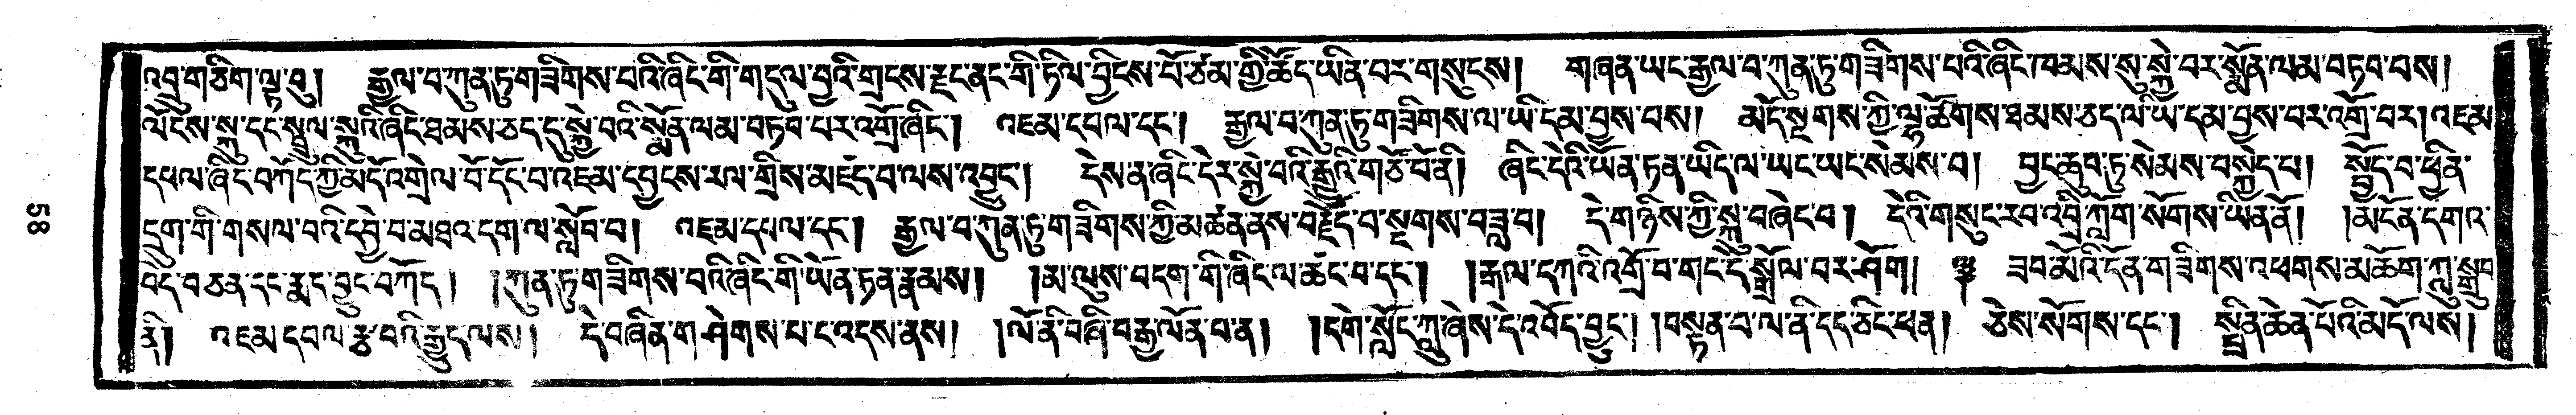འབྲུ་གཅིག་ལྟ་བུ། རྒྱལ་བ་ཀུན་ཏུ་གཟིགས་པའི་ཞིང་གི་གདུལ་བྱའི་གྲངས་རྫང་ནང་གི་ཏིལ་བྱིངས་པོ་ཙམ་གྱི་ཚོད་ཡིན་པར་གསུངས། གཞན་ཡང་རྒྱལ་བ་ཀུན་ཏུ་གཟིགས་པའི་ཞིང་ཁམས་སུ་སྐྱེ་བར་སྨོན་ལམ་བཏབ་པས།
ལོངས་སྐུ་དང་སྤྲུལ་སྐུའི་ཞིང་ཐམས་ཅད་དུ་སྐྱེ་བའི་སྨོན་ལམ་བཏབ་པར་འགྲོ་ཞིང་། འཇམ་དཔལ་དང་། རྒྱལ་བ་ཀུན་ཏུ་གཟིགས་ལ་ཡི་དམ་བྱས་པས། མདོ་སྔགས་ཀྱི་ལྷ་ཚོགས་ཐམས་ཅད་ལ་ཡི་དམ་བྱས་པར་འགྲོ་བར། འཇམ་
དཔལ་ཞིང་བཀོད་ཀྱི་མདོ་འགྲེལ་བོ་དོང་བ་འཇམ་དབྱངས་རལ་གྲིས་མཛད་པ་ལས་འབྱུང་། དེས་ན་ཞིང་དེར་སྐྱེ་བའི་རྒྱུའི་གཙོ་བོ་ནི། ཞིང་དེའི་ཡོན་ཏན་ཡིད་ལ་ཡང་ཡང་སེམས་བ། བྱང་ཆུབ་ཏུ་སེམས་བསྐྱེད་པ། སྤྱོད་པ་ཕྱིན་
དྲུག་གི་གསལ་བའི་དབྱེ་བ་མཐའ་དག་ལ་སློབ་བ། འཇམ་དཔལ་དང་། རྒྱལ་བ་ཀུན་ཏུ་གཟིགས་ཀྱི་མཚན་ནས་བརྗོད་པ་སྔགས་བཟླ་བ། དེ་གཉིས་ཀྱི་སྐུ་བཞེད་བ། དེའི་གསུང་རབ་འབྲི་ཀློག་སོགས་ཡིན་ནོ། །མངོན་དགའ་
བདེ་བ་ཅན་དང་རྨད་བྱུང་བཀོད། །ཀུན་ཏུ་གཟིགས་པའི་ཞིང་གི་ཡོན་ཏན་རྣམས། །མ་ལུས་བདག་གི་ཞིང་ལ་ཚང་བ་དང་། །རྒལ་དཀའི་འགྲོ་བ་གང་དེ་སྒྲོལ་བར་ཤོག ། ༈ ཟབ་མོའི་དོན་གཟིགས་འཕགས་མཆོག་ཀླུ་སྒྲུབ་
ནི། འཇམ་དཔལ་རྩ་བའི་རྒྱུད་ལས། དེ་བཞིན་གཤེགས་པ་ང་འདས་ནས། །ལོ་ནི་བཞི་བརྒྱ་ལོན་པ་ན། །དགེ་སློང་ཀླུ་ཞེས་དེ་འབོད་བྱུང་། །བསྟན་པ་ལ་ནི་དད་ཅིང་ཕན། ཅེས་སོགས་དང་། སྤྲིན་ཆེན་པོའི་མདོ་ལས།